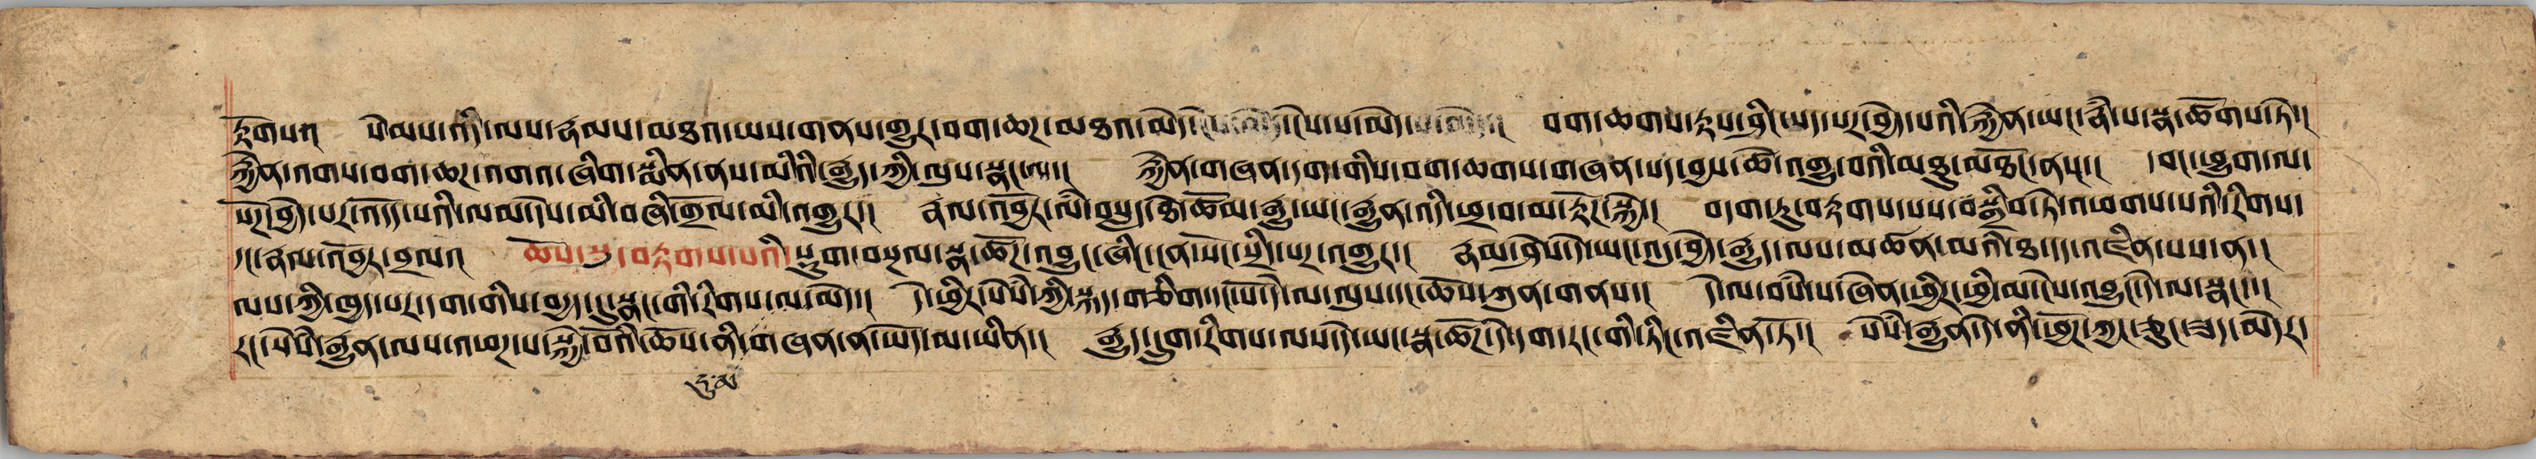རྟོགས་། སེམས་འདི་ལས་རྣམས་མཐའ་ཡས་གནས་གྱུར་བག་ཆཌ་མཐའ་མེད་ངེས་མེད་ངེས་པ་མེད་པ་མེད་ བག་ཆགས་རྟས་ཤིང་སད་པར་བྱེད་པའི་རྐྱེན་ཡང་རྣཾ་པ་སྣ་ཚོགས་ཏེ་།
རྐྱེན་འགས་བག་ཆཌ་འགའ་ཞིག་སྨིན་ནས་མིའི་རྒྱུད་ཀྱི་ལུས་སྣང་ལ་། རྐྱེན་གཞན་དག་གིས་བག་ཆགས་གཞན་སད་བྱས་ཚེ་འགྱུ་བའི་མཐུ་མཐོང་ནས་། དབང་ཕྱུག་ལ་
སོཌ་བྱེད་པར་འདོད་པའི་ལམ་དེས་མི་བཞི་གྲོལ་མི་འགྱུར་། རྣལ་འབྱོར་ལཾ་བསླད་ཐེ་ཚོམ་རྒྱུ་ཡང་རྒྱུན་འདི་ཕྲ་བ་མ་རྟོཌ་སྐྱེ་། བདག་ཏུ་བརྟགས་པས་བསྒྲིབ་ཏེ་འཕགས་པའི་རིགས་
དང་རྣལ་འབྱོར་བྲལ་། ཆོས་སུ་བརྟགས་པའི་སྡུག་བསྔལ་སྣ་ཚོཌ་འབྱུང་ཞིང་ངན་སོང་སྲིད་པར་འགྱུར་། རྣམ་ཤེས་དེ་ཡང་འདུ་བྱེད་རྒྱུད་ལས་མཚན་མའི་ཐ་དད་འཛིན་པས་ན་།
ལས་ཀྱི་ཁྱད་པར་དག་གིས་བདྱད་དུ་སྣང་གི་རིགས་ལ་མེད་། དེ་ཕྱིར་སེཾས་ཀྱི་སྐད་གཅིག་དང་པོ་དེ་ལ་ལུས་དང་ཆོས་ཀུན་གནས་། དེ་ལ་བསཾ་པ་ཞེན་ཕྱིར་ཕྱི་མ་ངེས་འབྱུང་དེ་ལ་སྣང་་།
རང་སེཾས་རྒྱུན་ལས་འཕཌ་པ་སྐྱེ་བོའི་ཆོས་ནི་གཞན་ན་ཡོད་མ་ཡིན་། རྒྱུད་དྲུག་རིགས་ལས་དེ་ཡང་སྣ་ཚོཌ་དེ་དག་རང་གི་ཏིང་འཛིན་ཏོ་། སེཾས་རྒྱུན་དེ་ནི་ཕྱོཌ་ཀྱང་ཅུང་ཟད་མེདར་